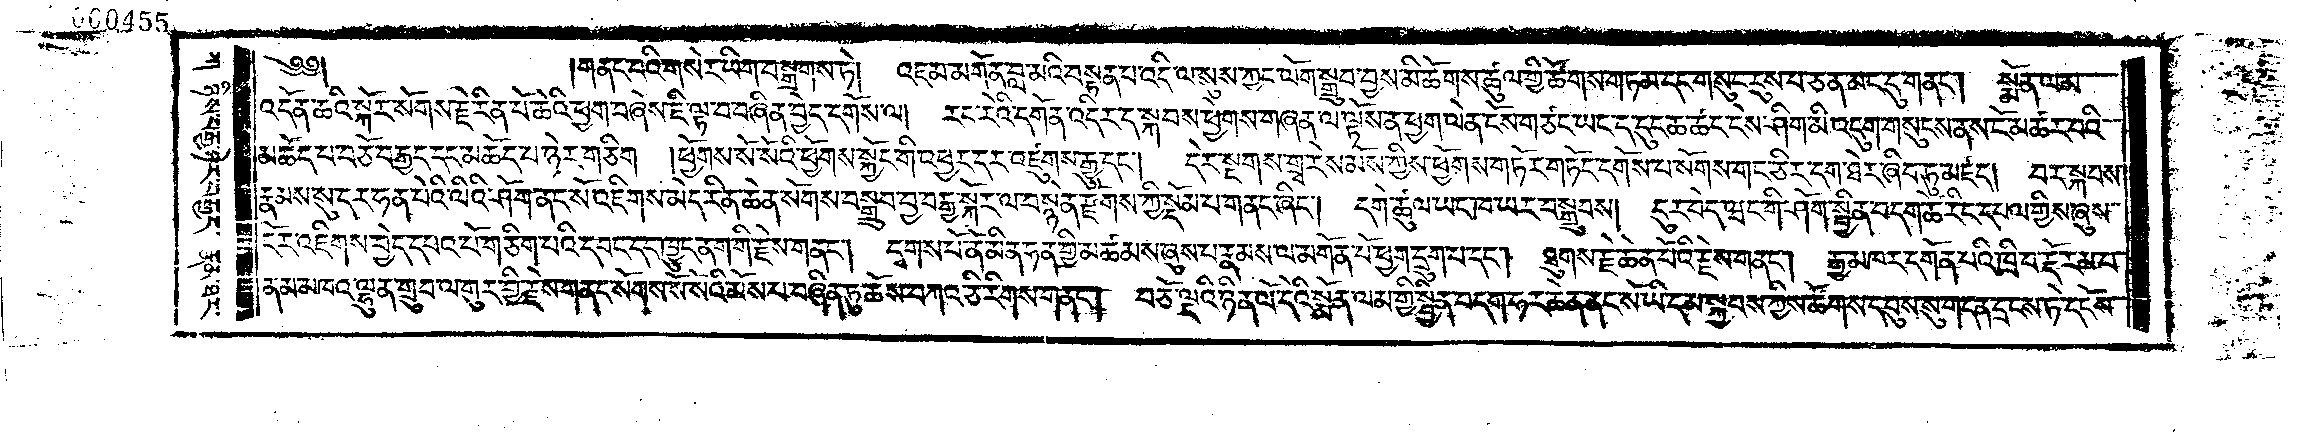༄༅། །གནང་བའི་གསེར་ཡིག་བསྒྲགས་ཏེ། འཇམ་མགོན་བླ་མའི་བསྟན་པ་འདི་ལ་སུས་ཀྱང་ལོག་སྒྲུབ་བྱས་མི་ཆོགས་ཚུལ་གྱི་ཚོགས་གཏམ་དང་གསུང་རུས་པ་ཅན་མང་དུ་གནང་། སྨོན་ལམ་
འདོན་ཆའི་སྐོར་སོགས་རྗེ་རིན་པོ་ཆེའི་ཕྱག་བཞེས་ཇི་ལྟ་བ་བཞིན་བྱེད་དགོས་ལ། རང་རེའི་དགོན་འདིར་ད་སྐབས་ཕྱོགས་གཞན་ལ་ལྟོས་ན་ཕྱག་ལེན་ངོས་གཙང་ཡང་ད་དུང་ཆ་ཚང་ངེས་ཤིག་མི་འདུག་གསུངས་ནས་ངོ་མཚར་བའི་
མཆོད་པ་བཅོ་བརྒྱད་དང་མཆོད་པ་ཉེར་གཅིག །ཕྱོགས་སོ་སོའི་ཕྱོགས་སྐྱོང་གི་འཕྱར་དར་འཛུགས་རྒྱུ་དང་། དེར་སྔགས་གྲྭ་རེས་མོས་ཀྱིས་ཕྱོགས་གཏོར་གཏོང་དགོས་པ་སོགས་གང་ཅིར་དག་ཐེར་ཞིབ་ཏུ་མཛད། བར་སྐབས་
རྣམས་སུ་དར་ཧན་པེའི་ལིའི་ཤོག་ནང་སོ་འཇིགས་མེད་རིན་ཆེན་སོགས་བསྒྲུབ་བྱ་བརྒྱ་སྐོར་ལ་བསྙེན་རྫོགས་ཀྱི་སྡོམ་པ་གནང་ཞིང་། དགེ་ཚུལ་ཡང་ཁ་ཡར་བསྒྲུབས། དུར་བདེ་ཝང་གི་ཤོག་སྦྱིན་བདག་ཚེ་རིང་དཔལ་གྱིས་ཞུས་
ངོར་འཇིགས་བྱེད་དཔའ་པོ་གཅིག་པའི་དབང་དང་ཁྱུད་ནག་གི་རྗེས་གནང་། དྭགས་པོ་ནོ་མིན་ཧན་གྱི་མཚམས་ཞུས་པ་རྣམས་ལ་མགོན་པོ་ཕྱག་དྲུག་པ་དང་། ཐུགས་རྗེ་ཆེན་པོའི་རྗེས་གནང་། རྒྱ་མཁར་དགོན་པའི་ཁྲི་བ་རྡོ་རམ་པ་
ནམ་མཁའ་ལྷུན་གྲུབ་ལ་གུར་གྱི་རྗེས་གནང་སོགས་སོ་སོའི་མོས་པ་བཞིན་ཏུ་ཆོས་བཀའ་ཅི་རིགས་གནང་། བཅོ་ལྔའི་ཉིན་ལོ་དེའི་སྨོན་ལམ་གྱི་སྦྱིན་བདག་ཧར་ཆེན་ནང་སོ་ཡི་དམ་སྐྱབས་ཀྱིས་ཚོགས་དབུས་སུ་གདན་དྲངས་ཏེ་དངོས་